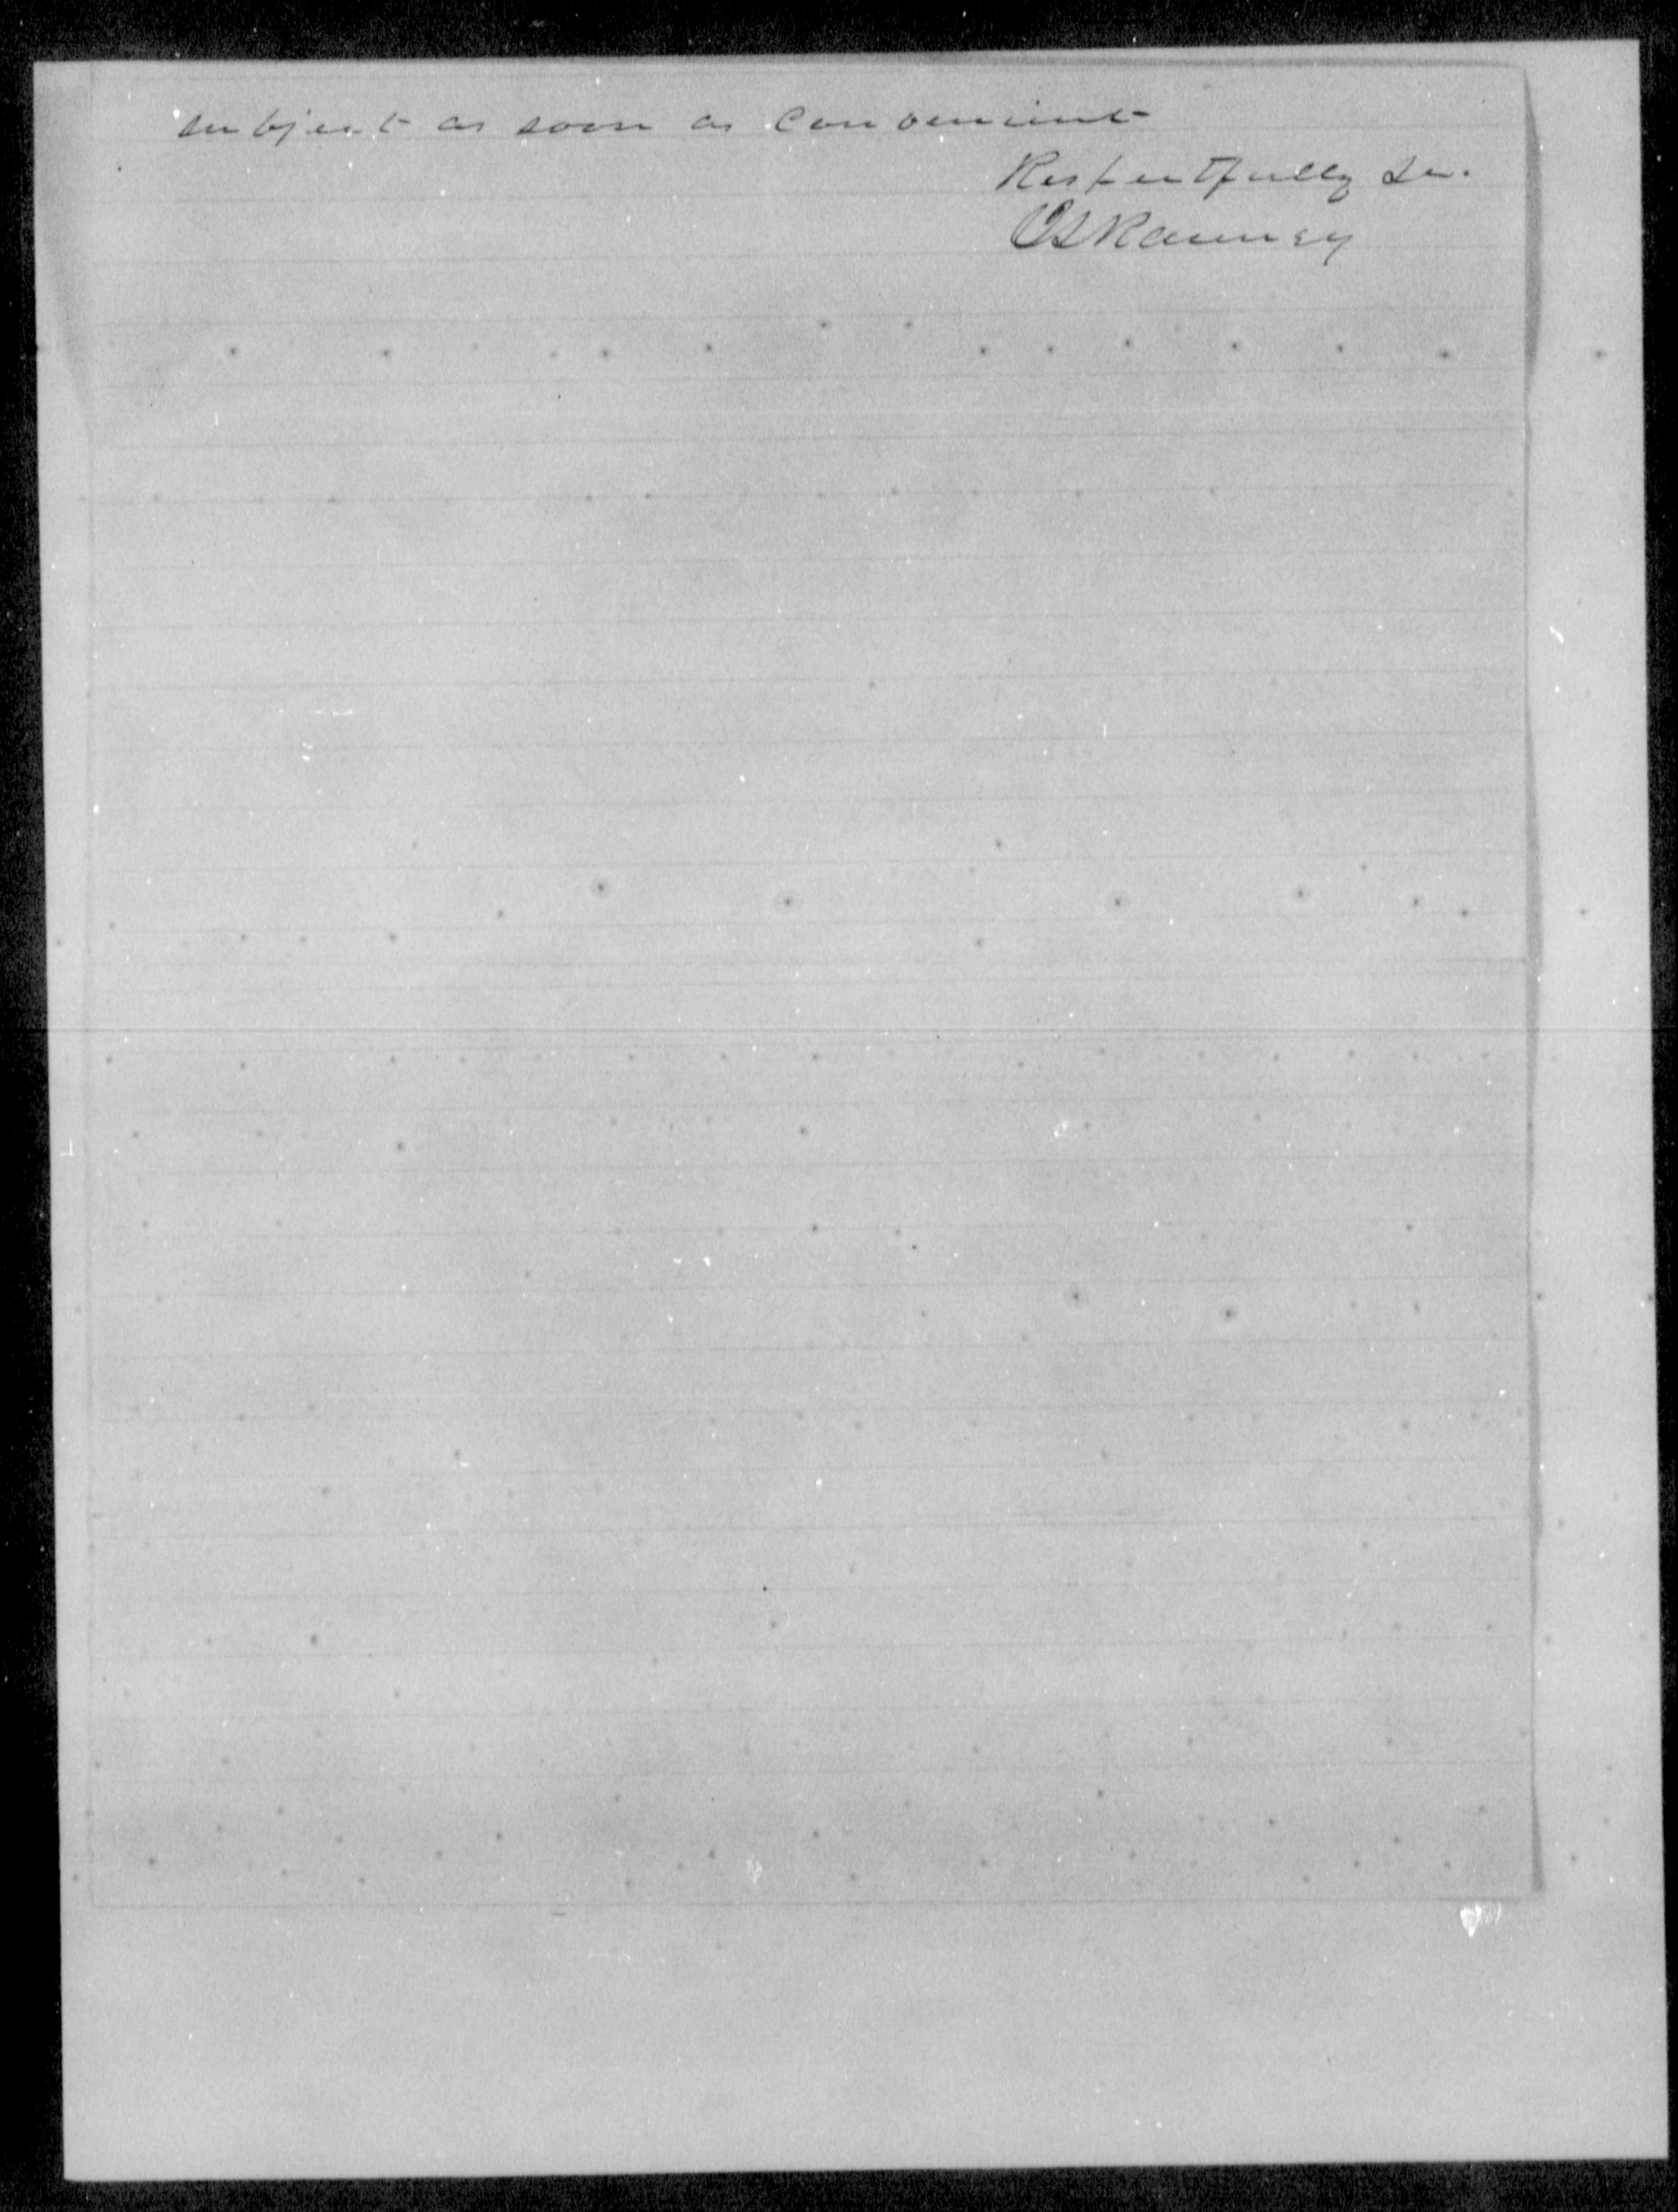subject as soon as convenient -
Respectfully &c. [ETC.]
J L Ramsey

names: J L Ramsey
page: 64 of 109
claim: widow's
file: W. 5709, for Thomas Richards, New Hampshire